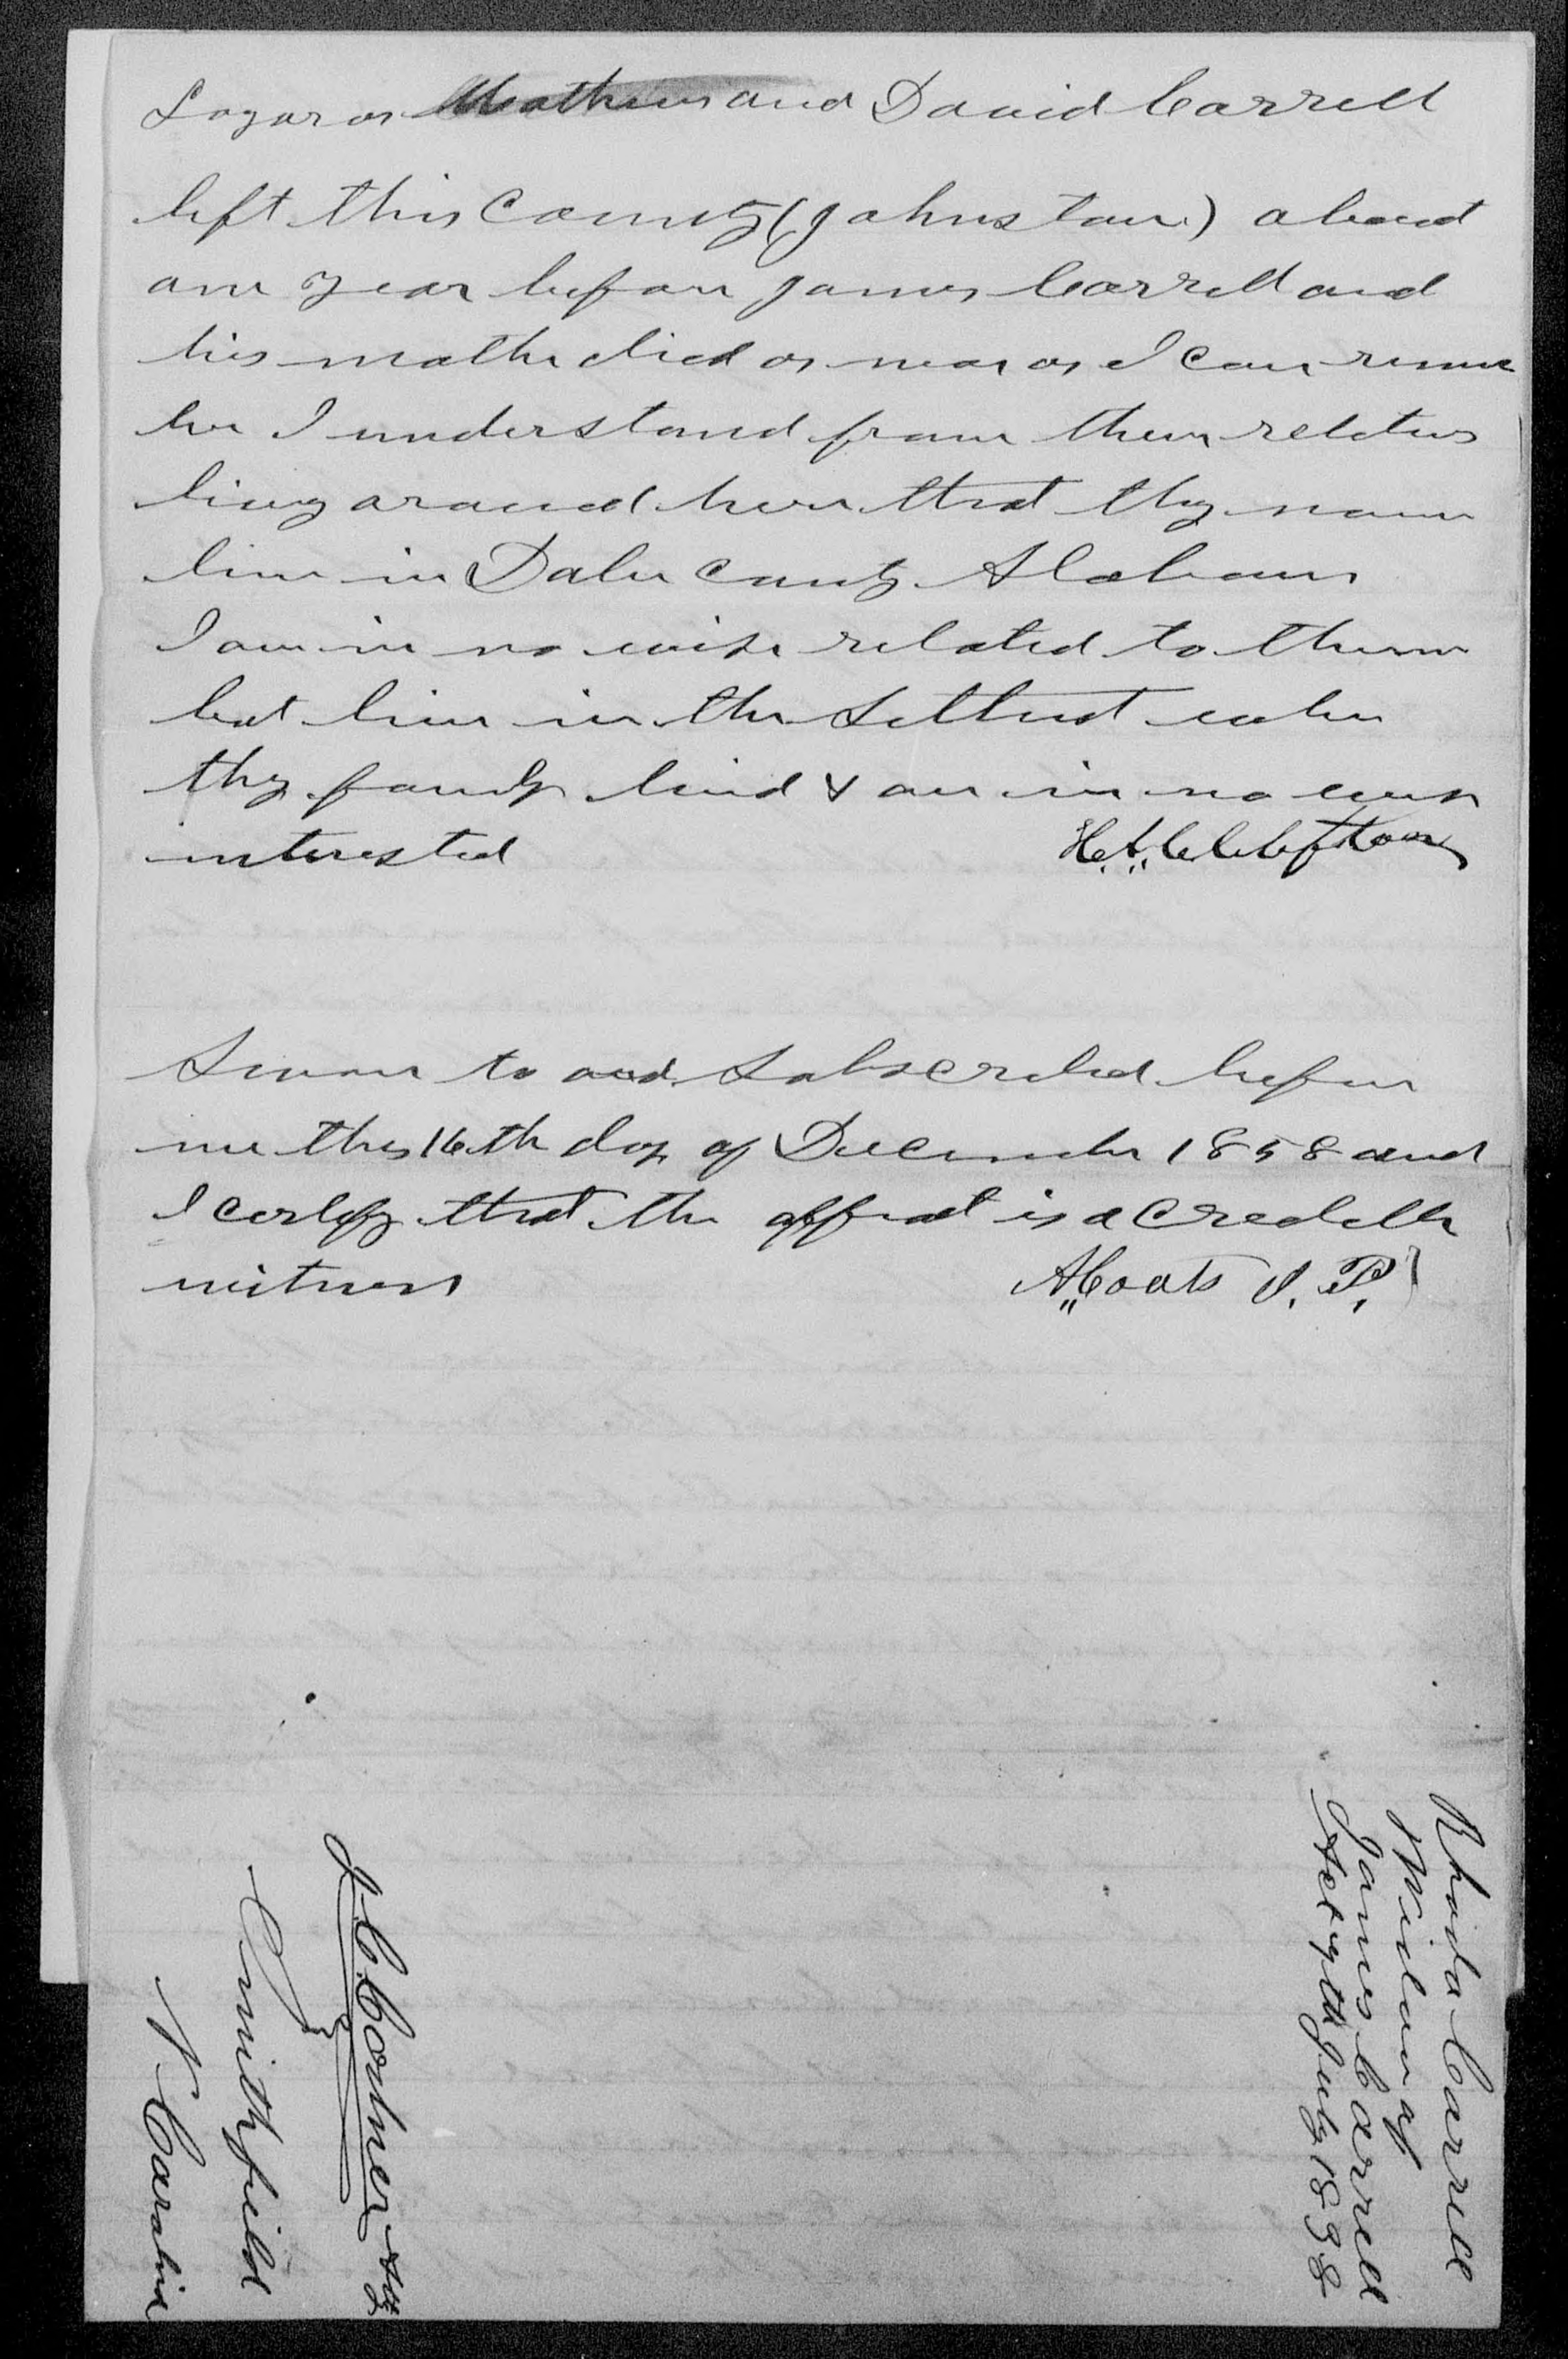Lazarus or Mathews and David Carrell left this county  (Johnston) about one year before James Carrell and his mother died as near as I can re[illegible] here I understand from their relatives living around here that they now live in Dale County Alabama  I am in no wise related to them but live in the Settled where they family lived and am in no event interested.  H A C Clifton

Sworn to and subscribed before me this 16th day of December 1858 and I certify that the affiant is a credible witness.  A Coats JP

Rhoda Carrell 
Widow of 
James Carrell
ACt 7th July 1838

JC Codner Atty
Smithfield
N Carolina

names: Rhoda Carrell, David Carrell, James Carrell, H A C Clifton, J C Codner, Lazarus Mathews, A Coats, James Carrell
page: 55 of 86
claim: widow's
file: W. 6899, James Carrell, N.C.